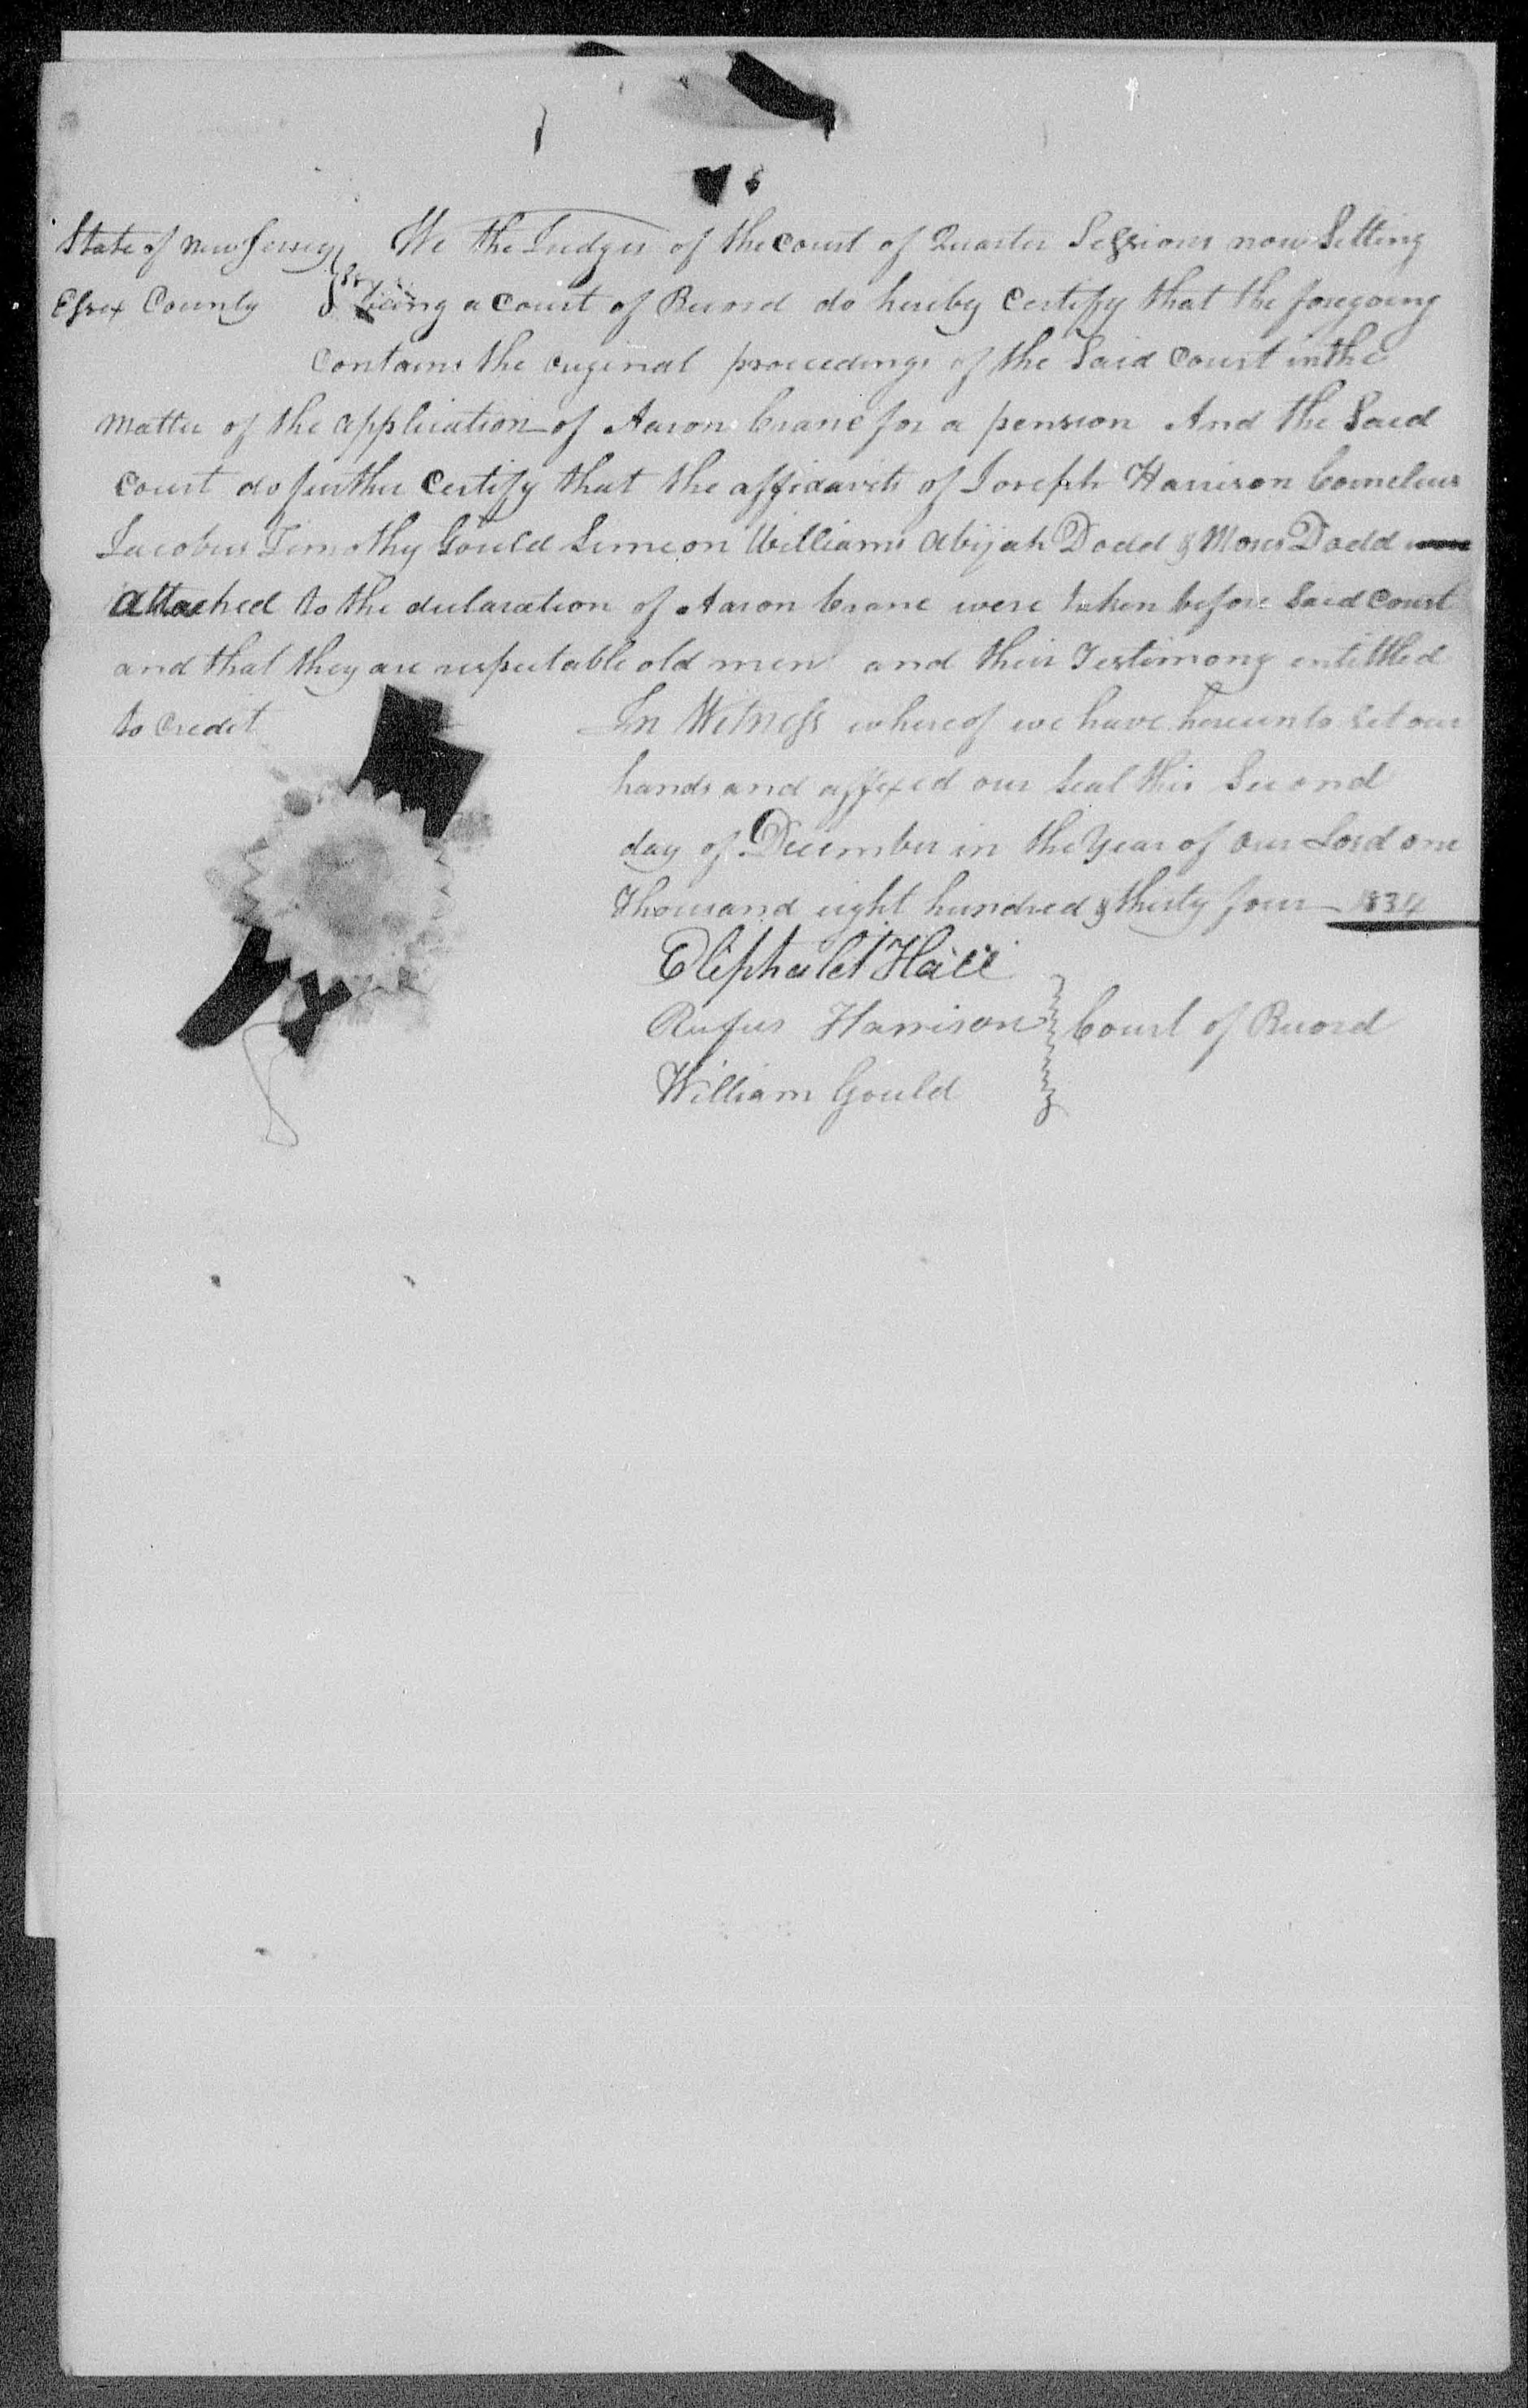State of New Jersey                     The Judge of the Court of Quarter Session now sitting

Essex County                                  being a Court of Record do hereby ceritfy that the foregoing

                                                               contains the original proceeding of the said court in the

                                                               matter of the application of Aaron Crane for a pension   And the said

matter of the application of Aaron Crane for a pension  And the said

court do further certify that the affidavits of Joseph Harrison  Cornelius

Jacobus  Timothy Gould  Simeon Williams  Abijah Dodd & Moses Dodd

attached to the declaration of Aaron Crane were taken before said court

and that they are respectable old men and their testimony entitled

to credit                                             In Witness whereof we  have hereunto to return

hand and affixed our seal this second

day of December in the year of our Lord one

thousand eight hundred thirty four 1834

 Eliphalet Hall

Rufus Harrison                Court of Record

William GOuld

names: William Gould, Eliphalet Hall, Joseph Harrison, Moses Dodd, Aaron Crane, Simeon Williams, Cornelius Jacobus, Timothy Gould, Abijah Dodd, Aaron Crane, Rufus Harrison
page: 22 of 32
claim: rejected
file: R. 2441, Aaron Crane, New Jersey